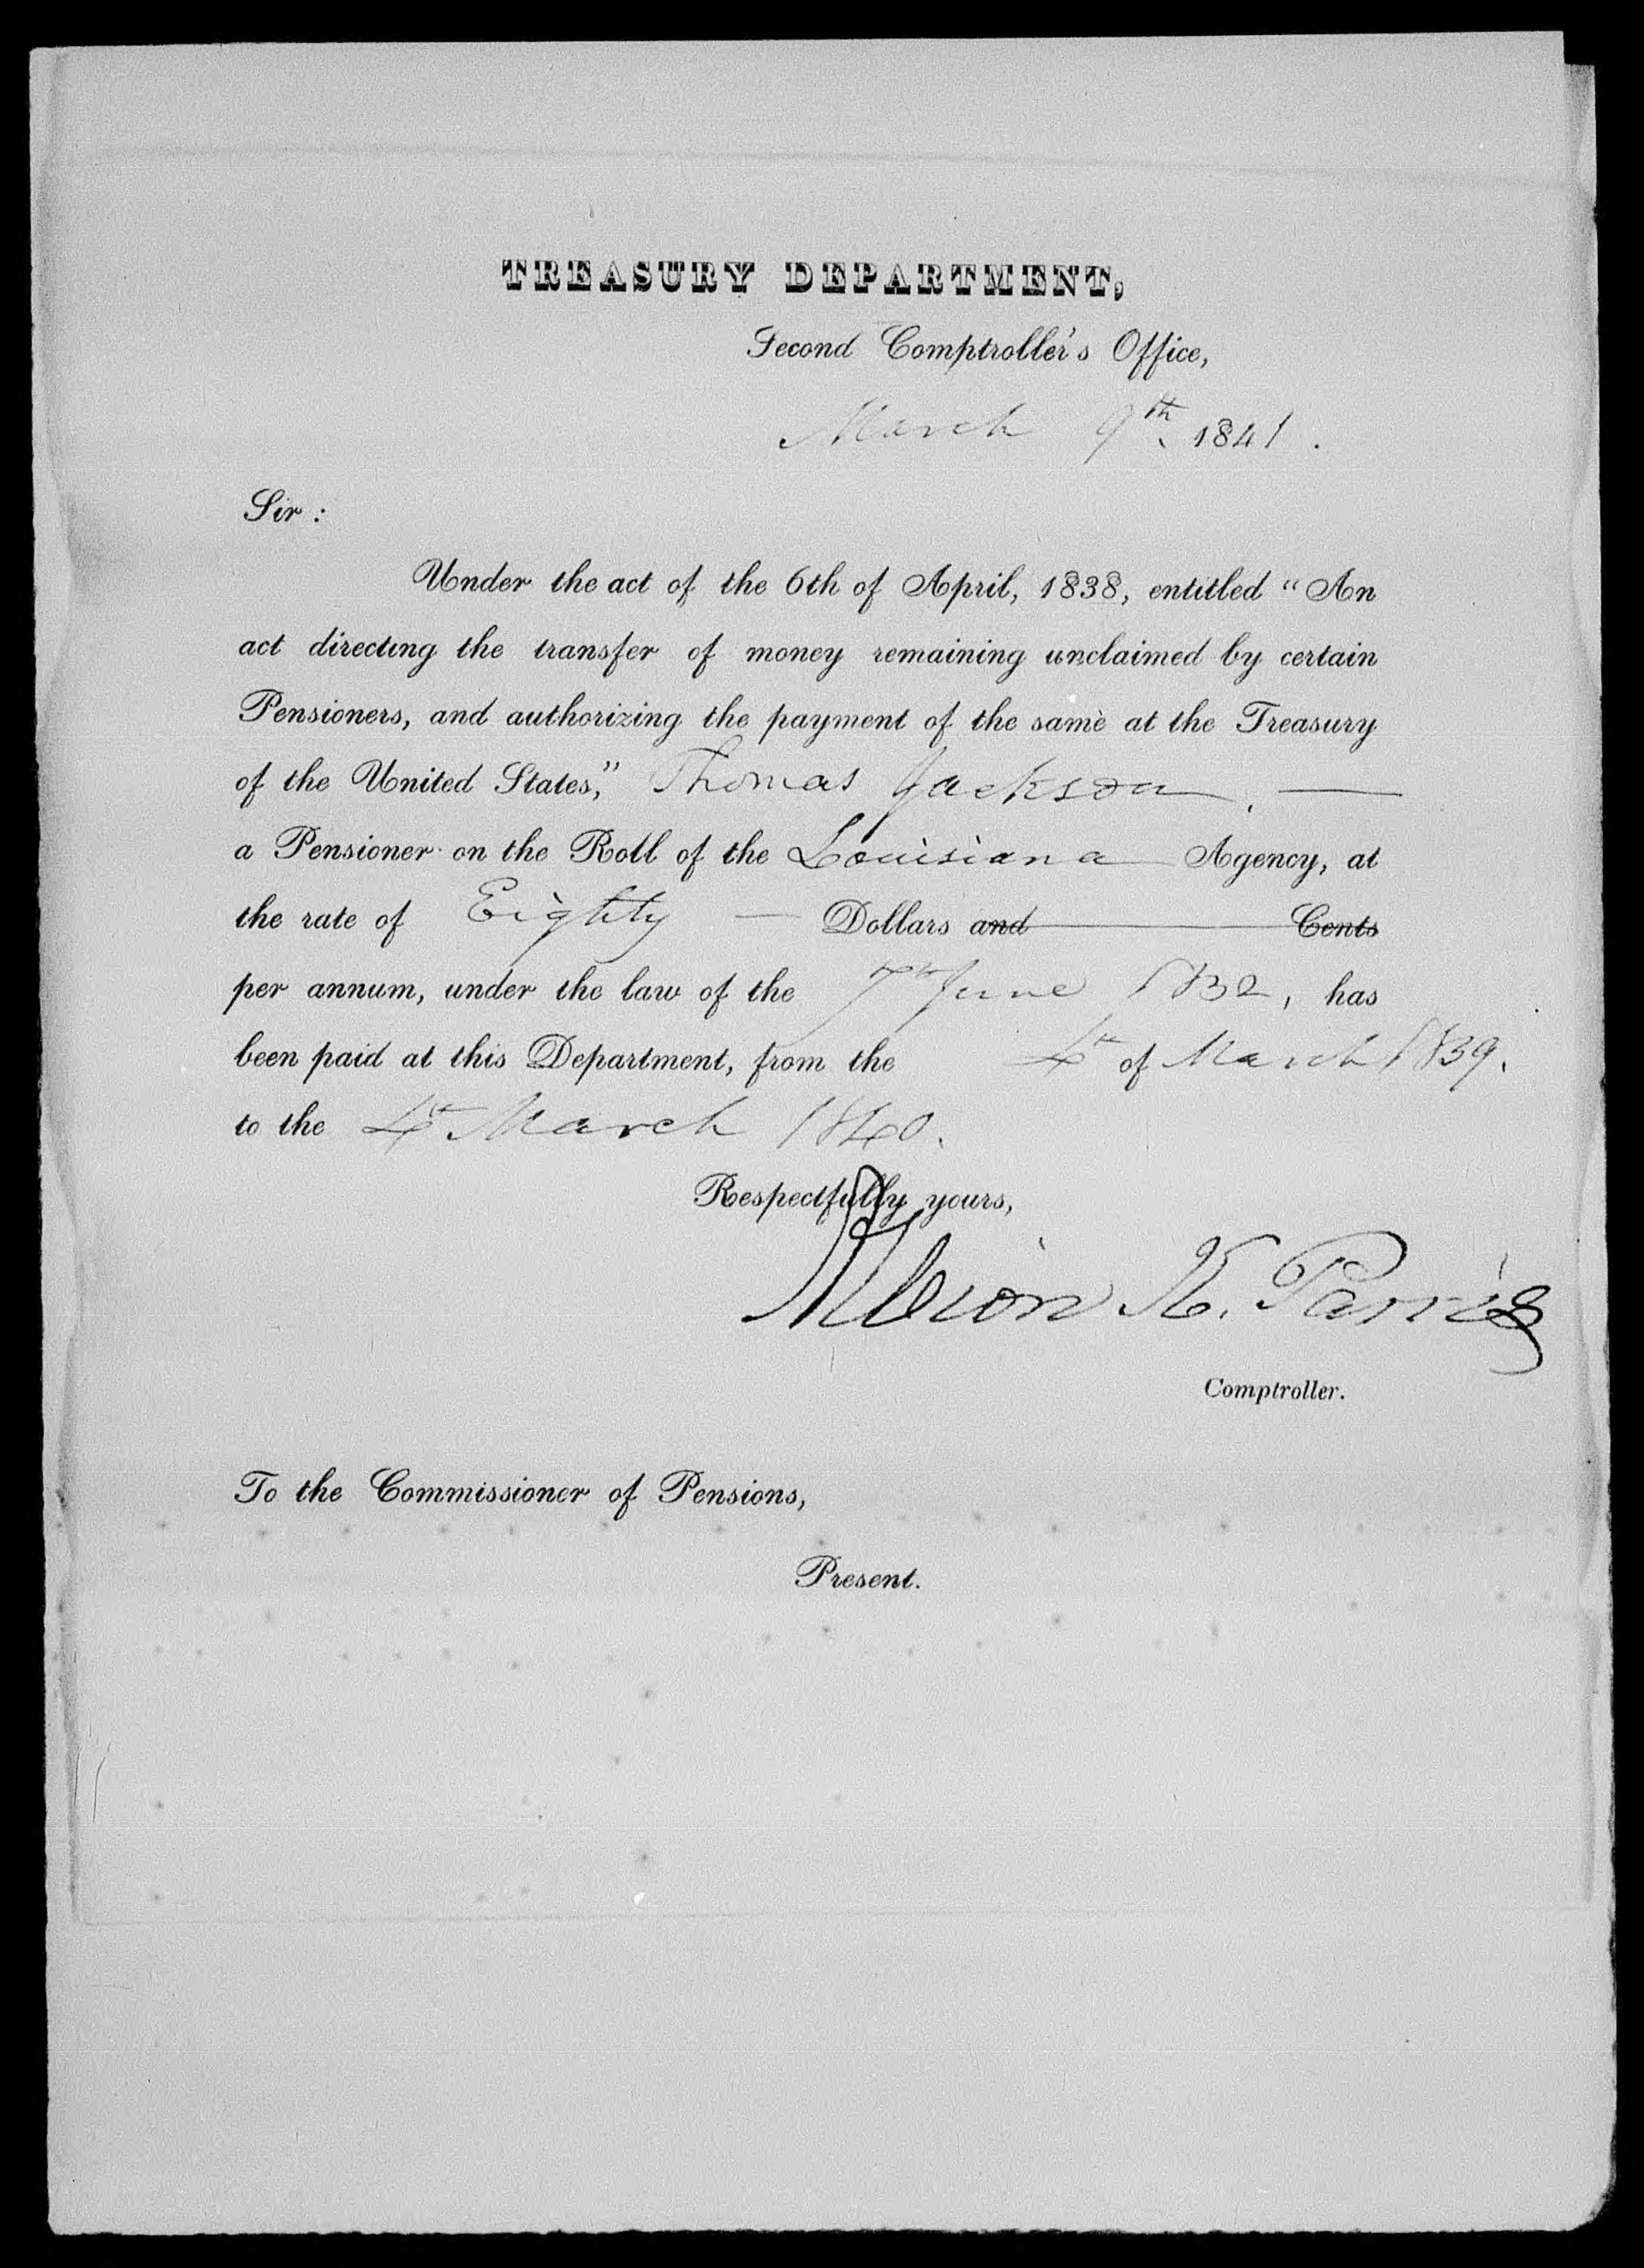TREASURY DEPARTMENT.
Second Comptroller's Office
March 9th 1841
Sir:
Under the act of the 6th of April, 1838, entitled "An
act directing the transfer of money remaining unclaimed by certain
Pensioners, and authorizing the payment of the same at the Treasury
of the United States", Thomas Jackson
a Pensioner on the Roll of the Louisiana Agency, at
the rate of EightyDollars and ---Cents
per annum, under the law of the 7th June 1832, has
been paid at this Department, from the 4th of March 1839
to the 4th March 1840.

Respectfully yours
Albion K. Parris
Comptroller.

To the Commissioner of Pensions,
Present
.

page: 22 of 54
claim: survivor's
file: S. 31166, for Thomas Jackson, South Carolina